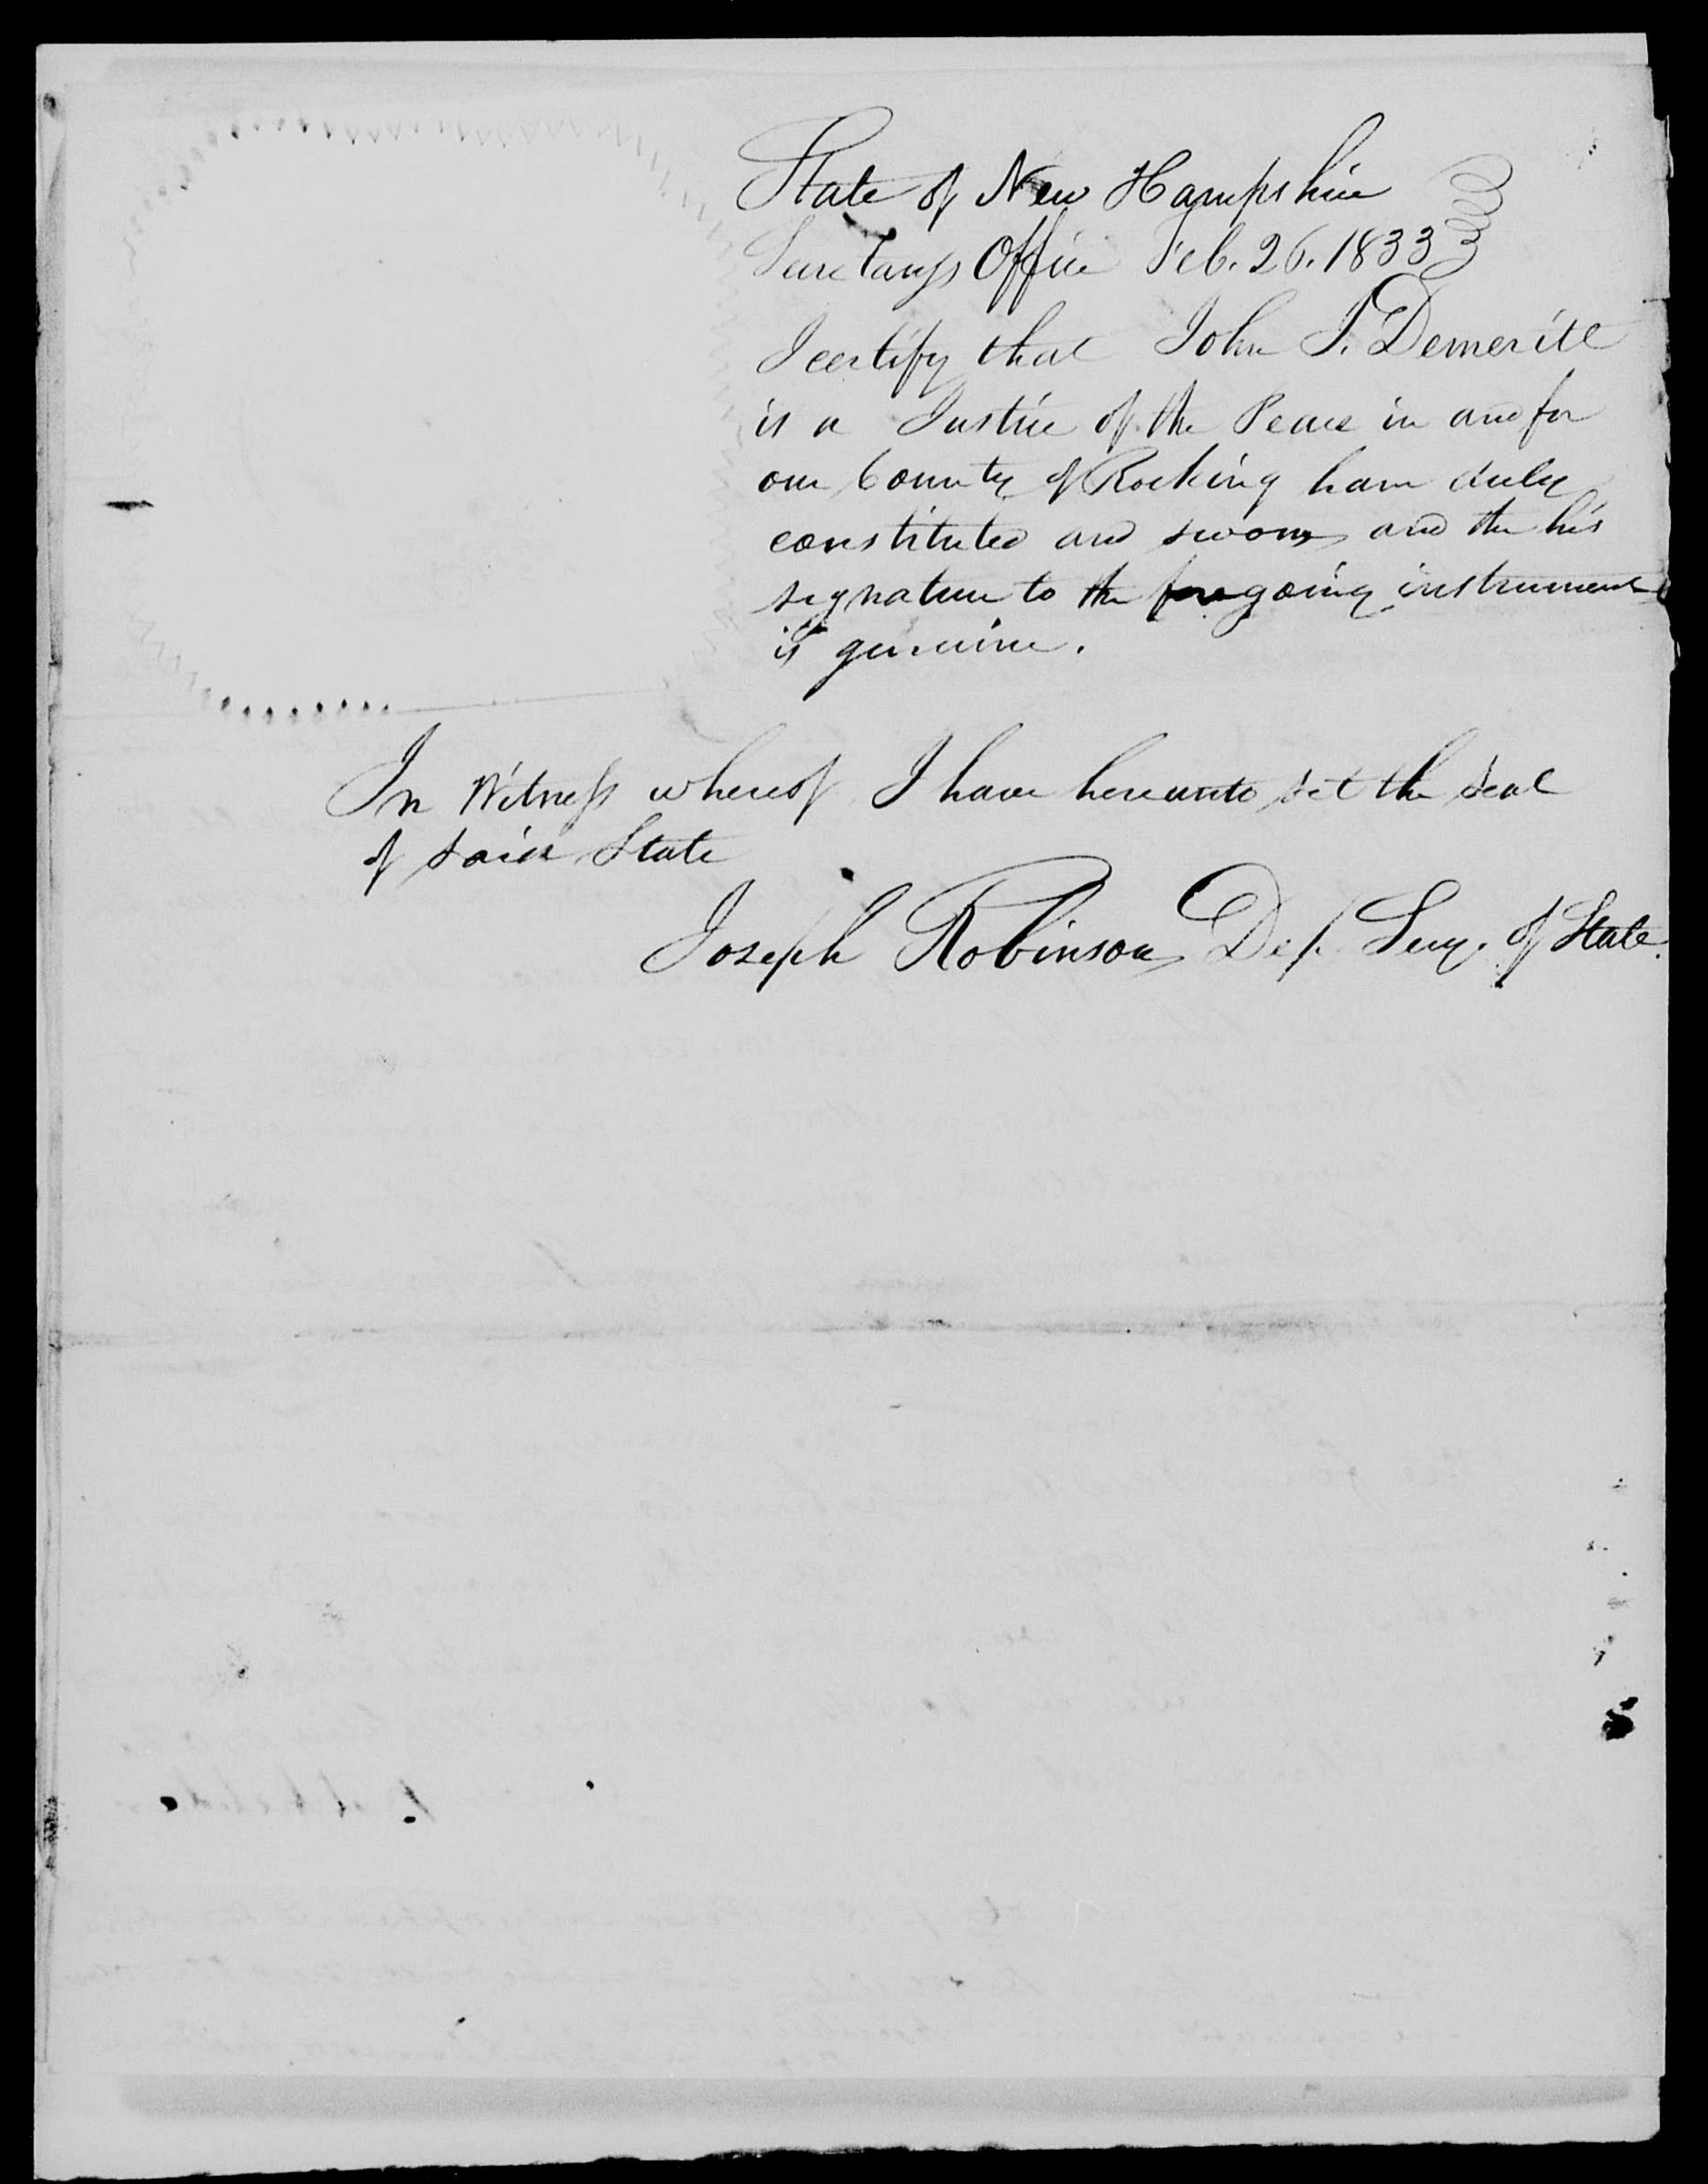State of New Hampshire
Secretarys Office Feb. 26, 1833
I certify that John J. Demeritt
is a Justice of the Peace in and for
our County of Rockingham duly
constituted and sworn and that his
signature to the foregoing instrument
is genuine
In Witness whereof I have hereunto set the seal
of said State
Joseph Robinson Dep Secy of State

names: Joseph Robinson, John J Demeritt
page: 28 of 47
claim: widow's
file: W. 24043, Jacob Davis, N.H.